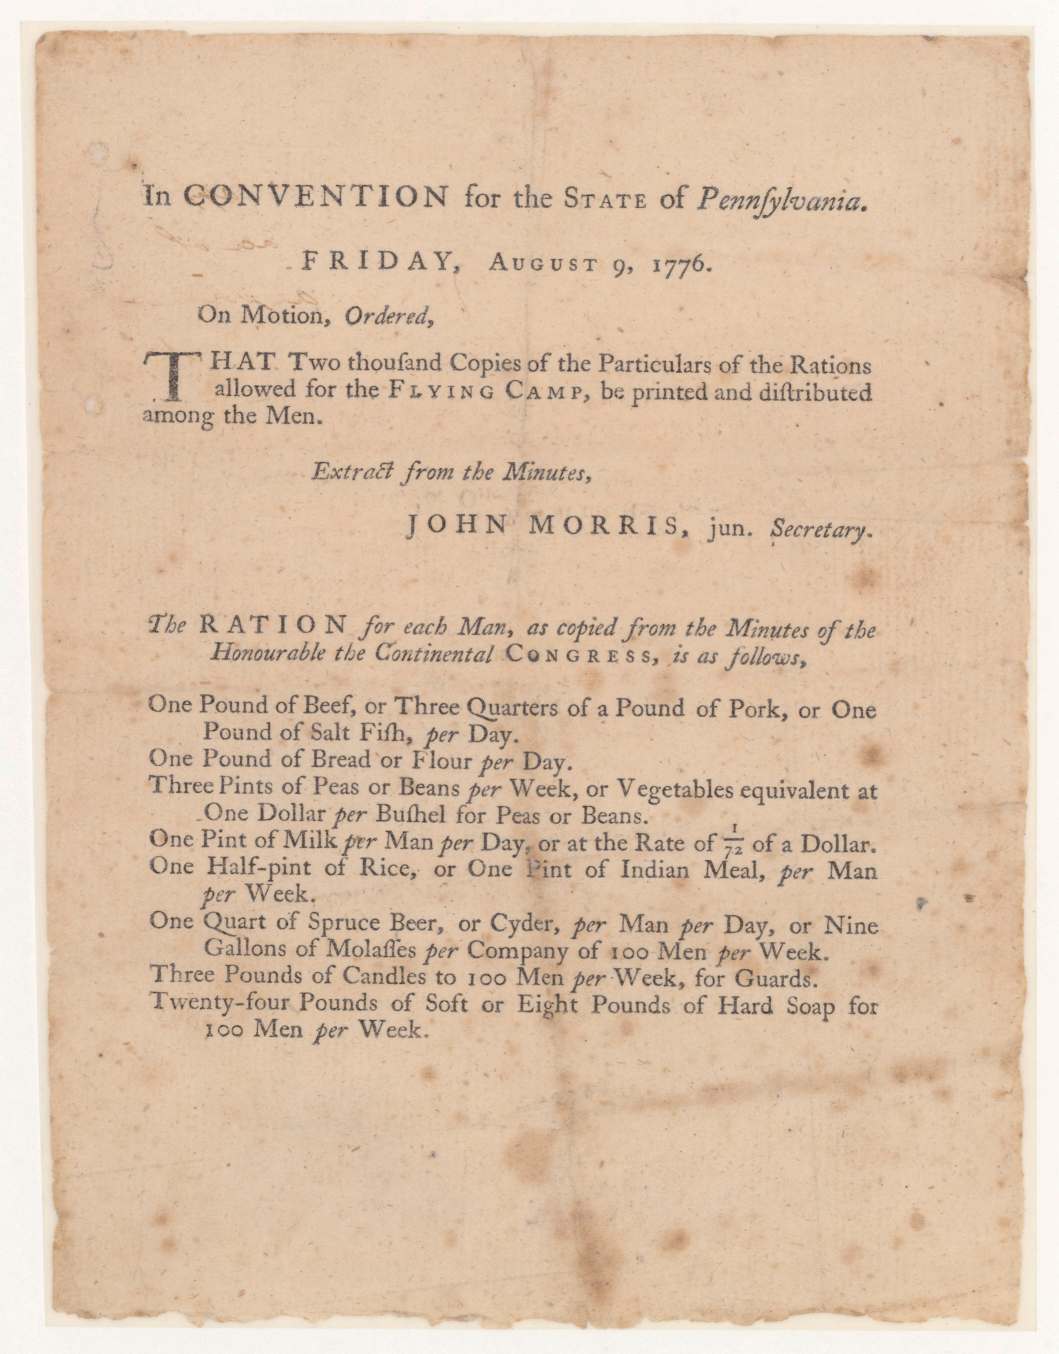In CONVENTION for the State of Pennsylvania.
FRIDAY, AUGUST 9, 1776.

On Motion, Ordered,
THAT  Two thousand copies of the Particulars of the Rations allowed for the FLYING CAMP, be printed and distributed among the Men.   

Extract from the Minutes,
JOHN MORRIS, jun. Secretary.

The RATION for each man, as copied from the Minutes of the Honorable the Continental CONGRESS, is as follows,
One Pound of Beef, or Three Quarters of a Pound of Pork, or One Pound of Salt Fish, per Day.
One Pound of Bread or Flour per Day.
Three Pints of Peas or Beans per Week, or Vegetables equivalent at One Dollar per Bushel for Peas or Beans.
One Pint of Milk per Man per Day, or at the Rate of 1/72 of a Dollar .
One Half-pint of Rice, or One Pint of Indian Meal, per Man per Week. 
One Quart of Spruce Beer, or Cyder, per Man per Day or Nine Gallons of Molasses per Company of 100 Men per Week.
Three Pounds of Candles to 100 Men per Week, for Guards.
Twenty-four Pounds of Soft or Eight Pounds of Hard Soap for 100 Men per Week.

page: 1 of 1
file: Flying Camp Rations Broadside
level: item